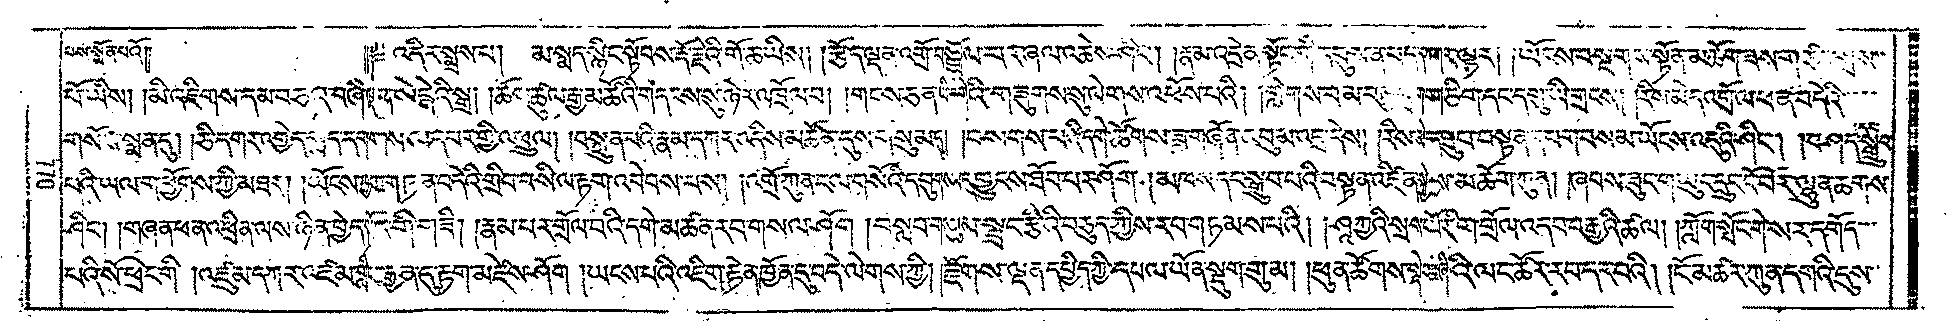པས་སྨོན་པའོ།། །། ༈ འདིར་སྨྲས་པ། མ་སྨད་སྙིང་སྟོབས་རྡོ་རྗེའི་གོ་ཆ་ཡིས། །རྩོད་ལྡན་འགྲོ་བ་སྒྲོལ་བར་ཞལ་འཆེས་ཤིང་། །རྣམ་འདྲེན་སྟོང་གི་དབུས་ན་པད་དཀར་ལྟར། །ཡོངས་བསྔགས་སྟོན་མཆོག་ཟས་གཙང་སྲས་
པོ་ཡིས། །མི་འཇིགས་དམ་བཅའ་བཞི་ལྡན་སེངྒེའི་སྒྲ། །ཆོས་ཚུལ་རྒྱ་མཚོའི་གདངས་སུ་ཉེར་འཁྲོལ་བ། །གངས་ཅན་ཡི་གེའི་གཟུགས་སུ་ལེགས་འཕོས་པའི། །གླེགས་བམ་བརྒྱ་ཕྲག་གཅིག་དང་དགུ་ཡི་གྲངས། །རིས་མེད་འགྲོ་ལ་ཕན་བདེའི་
གསོས་སྨན་དུ། །ཅི་དགར་འགྱེད་སླད་དག་གསལ་དཔར་གྱི་འཕྲུལ། །བསྐྲུན་པའི་རྣམ་དཀར་འདིས་མཚོན་དུས་གསུམ་དུ། །བསགས་པའི་དགེ་ཚོགས་ཟླ་གཞོན་འབུམ་འདྲ་དེས། །རིས་མེད་ཐུབ་བསྟན་དཔག་བསམ་ཡོངས་འདུའི་ཤིང་། །བཤད་དང་སྒྲུབ་
པའི་ཡལ་ག་ཕྱོགས་ཀྱི་མཐར། །ཡོངས་ཁྱབ་གཏན་བདེའི་གྲིབ་བསིལ་རྟག་འབེབས་པས། །འགྲོ་ཀུན་ངལ་གསོའི་དབུགས་དབྱུངས་ཐོབ་པར་ཤོག །མཁས་དང་སྒྲུབ་པའི་བསྟན་འཛིན་སྐྱེས་མཆོག་ཀུན། །ཞབས་ཟུང་གཡུང་དྲུང་ངོ་བོར་ལྷུན་ཆགས་
ཤིང་། །གཞན་ཕན་འཕྲིན་ལས་ཉིན་བྱེད་སྟོང་གི་གཟི། །རྣམ་པར་གྲོལ་བའི་དགེ་མཚན་རབ་གསལ་ཤོག །བསླབ་གསུམ་སྦྲང་རྩིའི་བཅུད་ཀྱིས་རབ་གཏམས་པའི། །ཤཱཀྱའི་སྲས་པོ་རིག་གྲོལ་འདབ་བརྒྱའི་ཚལ། །ཀློག་སྤོང་གེ་སར་དགོད་
པའི་སོ་ཕྲེང་གི །འཛུམ་དཀར་འཛམ་གླིང་རྒྱན་དུ་རྟག་མཛེས་ཤོག །ཡངས་པའི་འཇིག་རྟེན་ཁྱོན་དུ་བདེ་ལེགས་ཀྱི། །རྫོགས་ལྡན་ཀྡྤྱིད་ཀྱི་དཔལ་ཡོན་སྡུག་གུ་མ། །ཕུན་ཚོགས་སྡེ་བཞིའི་ལང་ཚོར་རབ་དར་བའི། །ངོ་མཚར་ཀུན་དགའི་དུས་